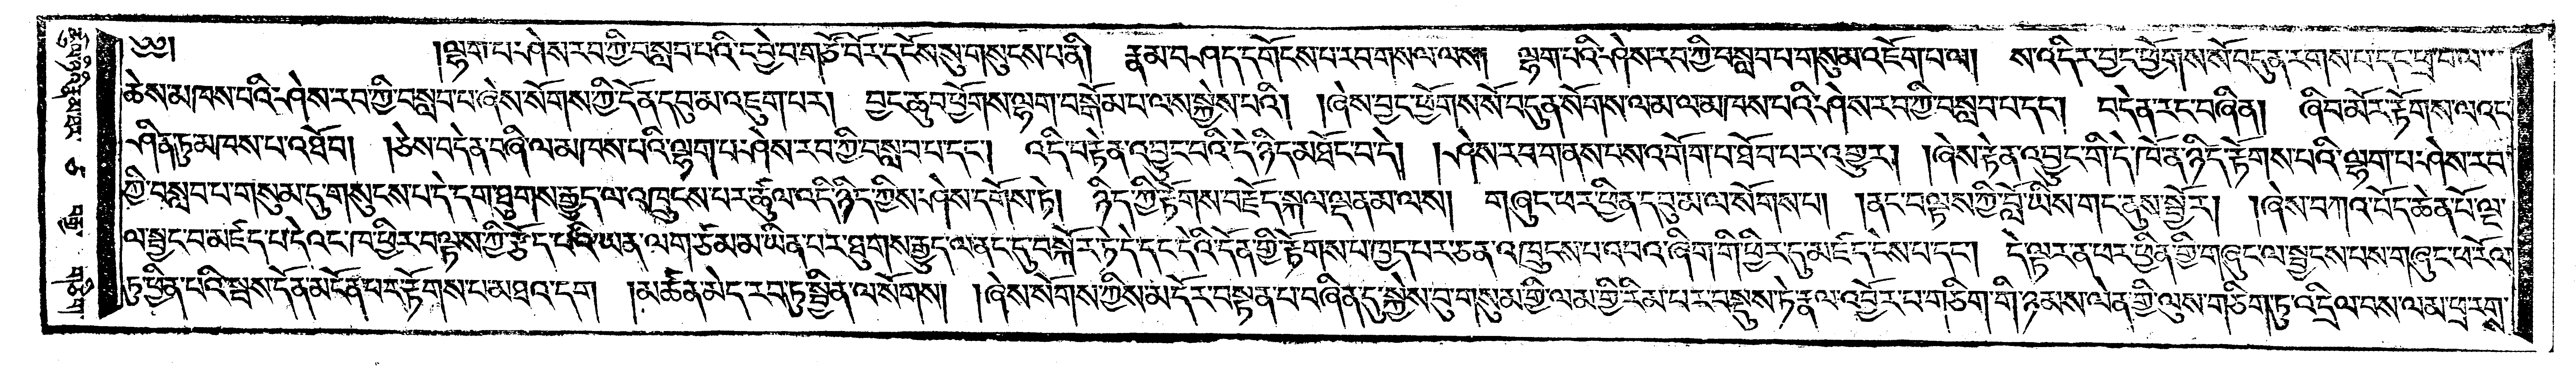༄༅། །ལྷག་པ་ཤེས་རབ་ཀྱི་བསླབ་པའི་དབྱེ་བ་གཙོ་བོར་དངོས་སུ་གསུངས་པ་ནི། རྣམ་བཤད་དགོངས་པ་རབ་གསལ་ལས། ལྷག་བའི་ཤེས་རབ་ཀྱི་བསླབ་པ་གསུམ་འཇོག་པ་ལ། ས་འདིར་བྱང་ཕྱོགས་སོ་བདུན་རགས་པ་དང་ཕྲ་བ་ལ་
ཆེས་མཁས་པའི་ཤེས་རབ་ཀྱི་བསླབ་པ་ཞེས་སོགས་ཀྱི་དོན་དབུ་མ་འཇུག་པར། བྱང་ཆུབ་ཕྱོགས་ལྷག་བསྒོམ་པ་ལས་སྐྱེས་པའི། །ཞེས་བྱང་ཕྱོགས་སོ་བདུན་སོགས་ལམ་ལ་མཁས་པའི་ཤེས་རབ་ཀྱི་བསླབ་པ་དང་། བདེན་རང་བཞིན། ཞིབ་མོར་རྟོགས་ལའང་
ཤིན་ཏུ་མཁས་པ་འཐོབ། །ཅེས་བདེན་བཞི་ལ་མཁས་པའི་ལྷག་པ་ཤེས་རབ་ཀྱི་བསླབ་པ་དང་། འདི་བརྟེན་འབྱུང་བའི་དེ་ཉིད་མཐོང་བ་དེ། །ཤེས་རབ་གནས་པས་འགོག་པ་ཐོབ་པར་འགྱུར། །ཞེས་རྟེན་འབྱུང་གི་དེ་ཁོ་ན་ཉིད་རྟོགས་པའི་ལྷག་པ་ཤེས་རབ་
ཀྱི་བསླབ་པ་གསུམ་དུ་གསུངས་པ་དེ་དག་ཐུགས་རྒྱུད་ལ་འཁྲུངས་པར་ཚུལ་འདི་ཉིད་ཀྱིས་ཤེས་དགོས་ཏེ། ཉིད་ཀྱི་རྟོགས་བརྗོད་སྐལ་ལྡན་མ་ལས། གཞུང་ཕར་ཕྱིན་དབུ་མ་ལ་སོགས་པ། །ནང་བལྟས་ཀྱི་བློ་ཡིས་གར་ནུས་སྤྱོར། །ཞེས་བཀའ་བོད་ཆེན་པོ་ལྔ་
ལ་སྦྱང་བ་མཛད་པ་དེའང་ཁ་ཕྱིར་བལྟས་ཀྱི་རྩོད་པའི་ཡན་ལག་ཙམ་མ་ཡིན་པར་ཐུགས་རྒྱུད་ལ་ནང་དུ་བསྐོར་ཏེ་དེ་དང་དེའི་དོན་གྱི་རྟོགས་པ་ཁྱད་པར་ཅན་འཁྲུངས་པ་འབའ་ཞིག་གི་ཕྱིར་དུ་མཛད་ངེས་པ་དང་། དེ་ལྟར་ན་ཕར་ཕྱིན་གྱི་གཞུང་ལ་སྦྱངས་པས་གཞུང་ཕ་རོལ་
ཏུ་ཕྱིན་བའི་སྦས་དོན་མངོན་པར་རྟོགས་པ་མཐའ་དག །མཚན་མེད་རབ་ཏུ་སྦྱིན་ལ་སོགས། །ཞེས་སོགས་ཀྱིས་མདོར་བསྟན་པ་བཞིན་དུ་སྐྱེས་བུ་གསུམ་གྱི་ལམ་གྱི་རིམ་པར་བསྡུས་ཏེ་རྣལ་འབྱོར་པ་གཅིག་གི་ཉམས་ལེན་གྱི་ལུས་གཅིག་ཏུ་འདྲིལ་བས་ལམ་ཕྲ་རགས་